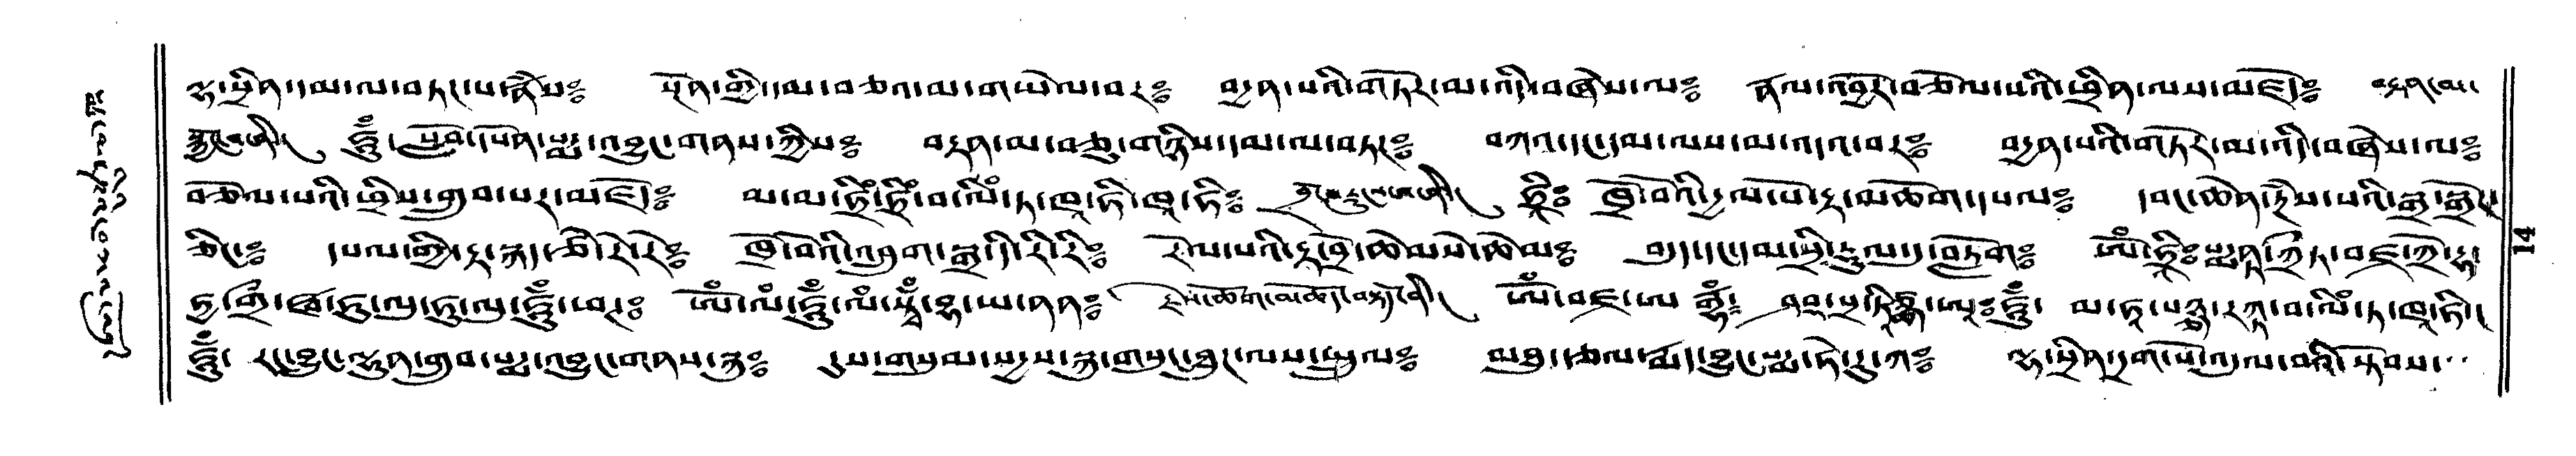ལྷ་སྲིན་དམ་ལ་བཏགས་པ་རྣམས༔ སྔོན་གྱི་དམ་བཅའ་མ་གཡེལ་བར༔ བརྒྱན་པའི་གཏོར་མ་འདི་བཞེས་ལ༔ རྣལ་འབྱོར་བཅོལ་པའི་ཕྲིན་ལས་མཛོད༔ བརྟན་མ་
སྐྱོང་བ་ནི། ཧཱུྃ༔ སློབ་དཔོན་པདྨ་འབྱུང་གནས་ཀྱིས༔ བརྟན་མ་བཅུ་གཉིས་དམ་ལ་བཏགས༔ བཀའ་དང་དམ་ལས་མ་འདའ་བར༔ བརྒྱན་པའི་གཏོར་མ་འདི་བཞེས་ལ༔ 
བཅོལ་པའི་ཕྲིན་ལས་འགྲུབ་པར་མཛོད༔ མ་མ་ཧྲིཾ་ཧྲིཾ་བ་ལིཾ་ཏ་ཁཱ་ཧི་ཁཱ་ཧི༔ བྲོ་རྡུང་བ་ནི། ཧྲཱི༔ ཁྲོ་བོའི་རྒྱལ་པོ་རྟ་མཆོག་དཔལ༔ དབང་ཆེན་རྔམས་པའི་སྒྲ་སྒྲོག་
ཅིང༔ དཔལ་གྱི་རྟ་སྐད་ཙེ་རེ་རེ༔ ཁྲོ་བོའི་འབྲུག་སྒྲ་དི་རི་རི༔ རོལ་བའི་རྟ་བྲོ་ཆེམས་སེ་ཆེམ༔ བདུད་དང་དམ་སྲི་རྡུལ་དུ་རློགས༔ ཨོཾ་ཧྲཱིཿཔདྨནྟ་ཀྲྀཏ་བཛྲ་ཀྲོ་དྷ་
ཧྱ་གྲྀ་ཝ་ཧུ་ལུ་ཧུ་ལུ་ཧཱུྃ་ཕཊ༔ ཨོཾ་ལཾ་ཧྃའུ་ལཾ་སྟཾ་བྷ་ཡ་ནན༔ རྗེས་ཆོག་མཆོད་བསྟོད་ནི ། ཨོཾ་བཛྲ་ཨརྒྷཾ༴ ཤབྡ་པྲ་ཏཱིཙྪ་ཨཱ༔ཧྃའུ༔ མ་ཧཱ་པཉྩ་རཀྟ་བ་ལིཾ་ཏ་ཁཱ་ཧི༔
 ཧཱུྃ༔ རང་བྱུང་ལྷུན་གྲུབ་པདྨ་འབྱུང་གནས་སྐུ༔ དུས་གསུམ་སངས་རྒྱས་སྐུ་གསུང་ཐུགས་ལས་སྤྲུལ༔ མཐུ་རྩལ་རྨད་བྱུང་པདྨ་ཧེ་རུ་ཀ༔ ལྷ་སྲིན་དྲག་པོ་འདུལ་བའི་སྟོབས་